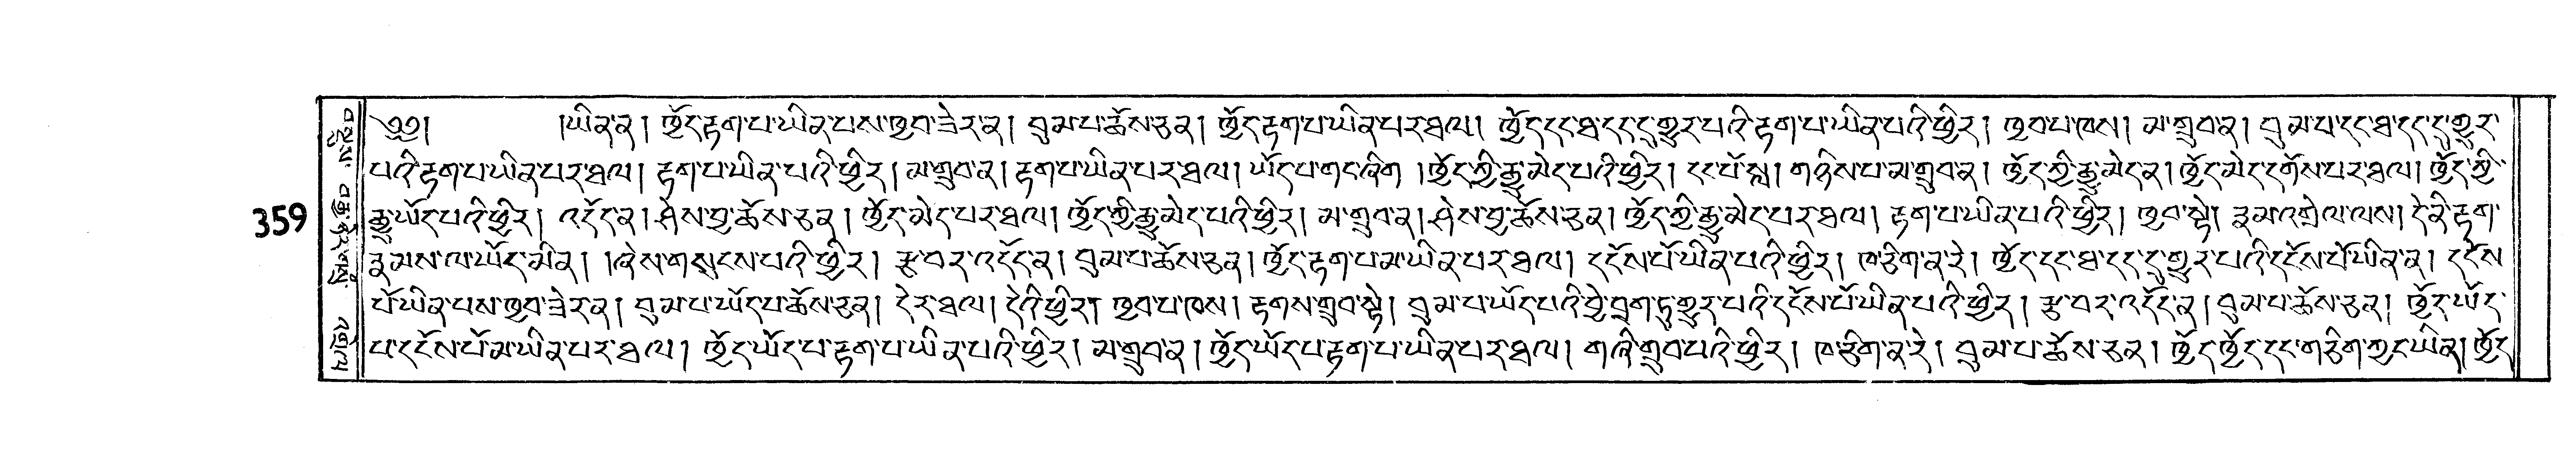༄༅། །ཡིན་ན། ཁྱོད་རྟག་པ་ཡིན་པས་ཁྱབ་ཟེར་ན། བུམ་པ་ཆོས་ཅན། ཁྱོད་རྟག་པ་ཡིན་པར་ཐལ། ཁྱོད་དང་ཐ་དང་དུ་གྱུར་པའི་རྟག་པ་ཡིན་པའི་ཕྱིར། ཁྱབ་པ་ཁས། མ་གྲུབ་ན། བུམ་པ་དང་ཐ་དད་དུ་གྱུར་
པའི་རྟག་པ་ཡིན་པར་ཐལ། རྟག་པ་ཡིན་པའི་ཕྱིར། མ་གྲུབ་ན། རྟག་པ་ཡིན་པར་ཐལ། ཡོད་པ་གང་ཞིག །ཁྱོད་ཀྱི་རྒྱུ་མེད་པའི་ཕྱིར། དང་པོ་སླ། གཉིས་པ་མ་གྲུབ་ན། ཁྱོད་ཀྱི་རྒྱུ་མེད་ན། ཁྱོད་མེད་དགོས་པར་ཐལ། ཁྱོད་ཀྱི་
རྒྱུ་ཡོད་པའི་ཕྱིར། འདོད་ན། ཤེས་བྱ་ཆོས་ཅན། ཁྱོད་མེད་པར་ཐལ། ཁྱོད་ཀྱི་རྒྱུ་མེད་པའི་ཕྱིར། མ་གྲུབ་ན། ཤེས་བྱ་ཆོས་ཅན། ཁྱོད་ཀྱི་རྒྱུ་མེད་པར་ཐལ། རྟག་པ་ཡིན་པའི་ཕྱིར། ཁྱབ་སྟེ། རྣམ་འགྲེལ་ལས། དེ་ནི་རྟག་
རྣམས་ལ་ཡོད་མིན། །ཞེས་གསུངས་པའི་ཕྱིར། རྩ་བར་འདོད་ན། བུམ་པ་ཆོས་ཅན། ཁྱོད་རྟག་པ་མ་ཡིན་པར་ཐལ། དངོས་པོ་ཡིན་པའི་ཕྱིར། ཁ་ཅིག་ན་རེ། ཁྱོད་དང་ཐ་དང་དུ་གྱུར་པའི་དངོས་པོ་ཡིན་ན། དངོས་
པོ་ཡིན་པས་ཁྱབ་ཟེར་ན། བུམ་པ་ཡོད་པ་ཆོས་ཅན། དེར་ཐལ། དེའི་ཕྱིར། ཁྱབ་པ་ཁས། རྟགས་གྲུབ་སྟེ། བུམ་པ་ཡོད་པའི་བྱེ་བྲག་ཏུ་གྱུར་པའི་དངོས་པོ་ཡིན་པའི་ཕྱིར། རྩ་བར་འདོད་ན། བུམ་པ་ཆོས་ཅན། ཁྱོད་ཡོད་
པ་དངོས་པོ་མ་ཡིན་པར་ཐལ། ཁྱོད་ཡོད་པ་རྟག་པ་ཡིན་པའི་ཕྱིར། མ་གྲུབ་ན། ཁྱོད་ཡོད་པ་རྟག་པ་ཡིན་པར་ཐལ། གཞི་གྲུབ་པའི་ཕྱིར། ཁ་ཅིག་ན་རེ། བུམ་པ་ཆོས་ཅན། ཁྱོད་ཁྱོད་དང་གཅིག་ཀྱང་ཡིན། ཁྱོད་